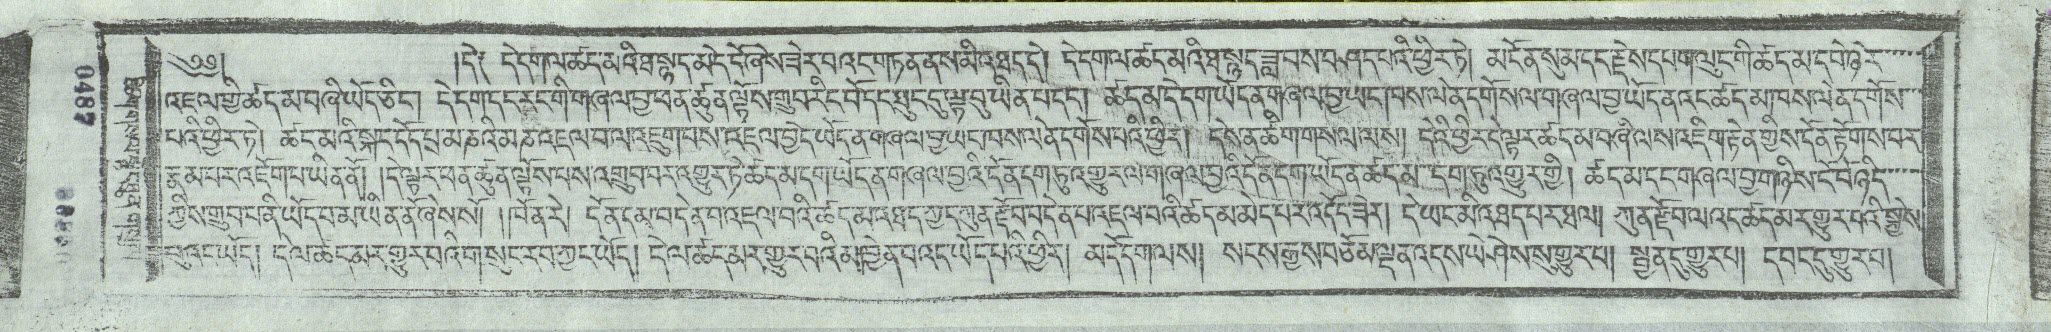༄༅། །དེ༑ དེ་དག་ལ་ཚད་མའི་ཐ་སྙད་མེད་དོ་ཞེས་ཟེར་བའང་གཏན་ནས་མི་འཐད་དེ། དེ་དག་ལ་ཚད་མའི་ཐ་སྙད་ཟླ་བས་བཤད་པའི་ཕྱིར་ཏེ། མངོན་སུམ་དང་རྗེས་དཔག་ལུང་གི་ཚད་མ་དཔེ་ཉེར་
འཇལ་གྱི་ཚད་མ་བཞི་ཡོད་ཅིང་། དེ་དག་དང་རང་གི་གཞལ་བྱ་ཕན་ཚུན་ལྟོས་གྲུབ་རིང་པོ་དང་ཐུང་ངུ་ལྟ་བུ་ཡིན་པ་དང་། ཚད་མ་དེ་དག་ཡོད་ན་གཞལ་བྱ་ཡང་ཁས་ལེན་དགོས་ལ་གཞལ་བྱ་ཡོད་ནའང་ཚད་མཁས་ལེན་དགོས་
པའི་ཕྱིར་ཏེ། ཚད་མའི་སྐད་དོད་པྲ་མ་ཎའི་མཎ་འཇལ་བ་ལ་འཇུག་པས་འཇལ་བྱེད་ཡོད་ན་གཞལ་བྱ་ཡང་ཁས་ལེན་དགོས་པའི་ཕྱིར། དེས་ན་ཚིག་གསལ་ལས། དེའི་ཕྱིར་དེ་ལྟར་ཚད་མ་བཞི་ལས་འཇིག་རྟེན་གྱིས་དོན་རྟོགས་པར་
རྣམ་པར་འཇོག་པ་ཡིན་ནོ། །དེ་ལྟར་ཕན་ཚུན་ལྟོས་པས་འགྲུབ་པར་འགྱུར་ཏེ་ཚད་མ་དག་ཡོད་ན་གཞལ་བྱའི་དོན་དག་ཏུ་འགྱུར་ལ་གཞལ་བྱའི་དོན་དག་ཡོད་ན་ཚད་མ་དག་ཏུ་འགྱུར་གྱི། ཚད་མ་དང་གཞལ་བྱ་གཉིས་ངོ་བོ་ཉིད་
ཀྱིས་གྲུབ་པ་ནི་ཡོད་པ་མ་ཡིན་ནོ་ཞེས་སོ། །ཁོ་ན་རེ། དོན་དམ་བདེན་པ་འཇལ་བའི་ཚད་མ་འཐད་ཀྱང་ཀུན་རྫོབ་བདེན་པ་འཇལ་བའི་ཚད་མ་མེད་པར་འདོད་ཟེར། དེ་ཡང་མི་འཐད་པར་ཐལ། ཀུན་རྫོབ་ལའང་ཚད་མར་གྱུར་པའི་སྐྱེས་
བུའང་ཡོད། དེ་ལ་ཚད་མར་གྱུར་པའི་གསུང་རབ་ཀྱང་ཡོད། དེ་ལ་ཚད་མར་གྱུར་པའི་མཁྱེན་པའང་ཡོད་པའི་ཕྱིར། མདོ་དག་ལས། སངས་རྒྱས་བཅོམ་ལྡན་འདས་ཡེ་ཤེས་སུ་གྱུར་པ། སྤྱན་དུ་གྱུར་པ། དབང་དུ་གྱུར་པ།